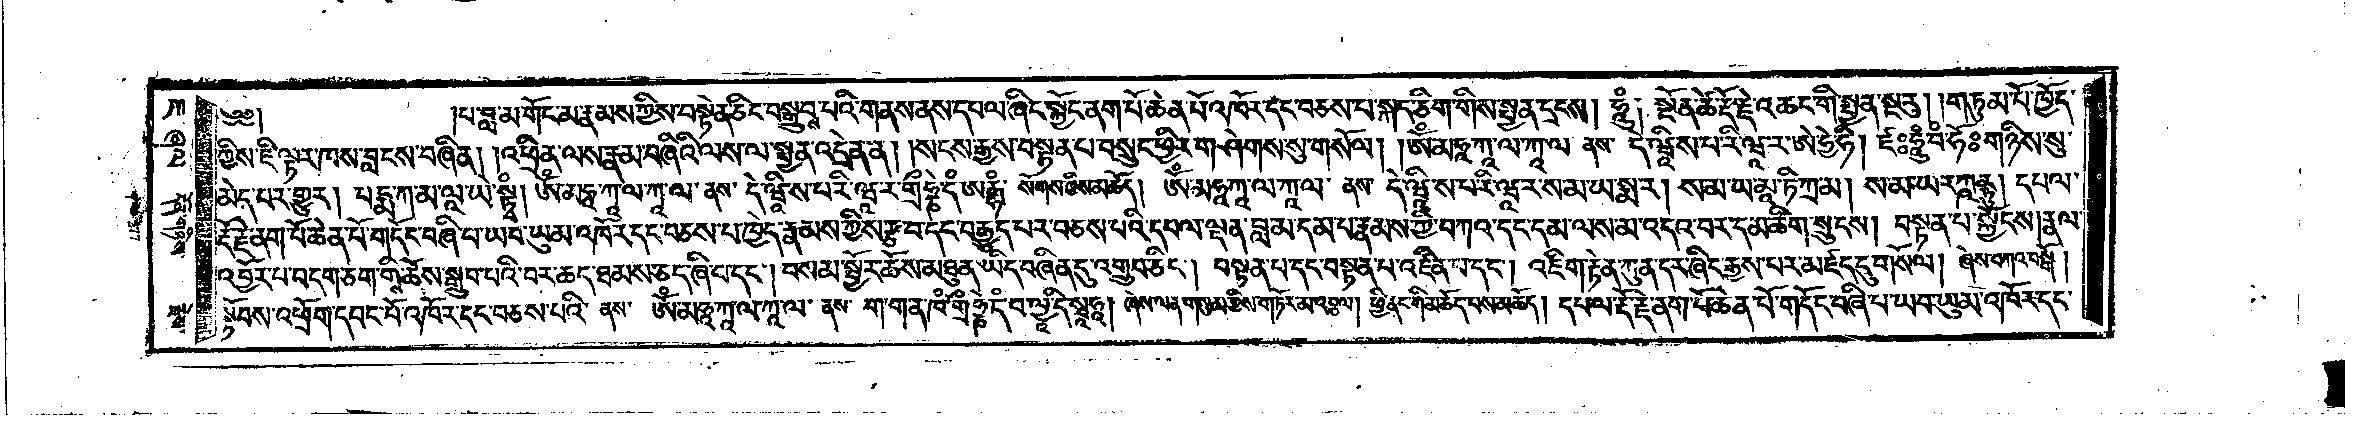༄༅། །པ་བླ་མ་གོང་མ་རྣམས་ཀྱིས་བསྟེན་ཅིང་བསྒྲུབས་པའི་གནས་ནས་དཔལ་ཞིང་སྐྱོང་ནག་པོ་ཆེན་པོ་འཁོར་དང་བས་པ་སྐད་ཅིག་གིས་སྤྱན་དྲངས། ཧཱུཾ༑ སྔོན་ཚེ་རྡོ་རྗེ་འཆང་གི་སྤྱན་སྔ་རུ། །གཏུམ་པོ་ཁྱོད་
ཀྱིས་ཇི་ལྟར་བས་བླངས་བཞིན། །འཕྲིན་ལས་རྣམ་བཞིའི་ལས་ལ་སྤྱན་འདྲེན་ན། །སངས་རྒྱས་བསྟན་པ་བསྲུང་ཕྱིར་གཤེགས་སུ་གསོལ། །ཨོཾ་མཧཱ་ཀཱ་ལ་ཀཱ་ལ་ནས་དེ་ཝཱིས་པ་རི་ཝཱ་ར་ཨེ་ཧྱེ་ཧི། ཛཿ ཧཱུཾ་བཾ་ཧོཿ གཉིས་སུ་
མེད་པར་གྱུར། པདམ་ཀ་མ་ལཱ་ཡེ་སྟྭཾ། ཨོཾ་མཧཱ་ཀཱ་ལ་ཀཱ་ལ་ནས་དེ་ཝཱི་ས་པ་རི་ཝཱ་ར་གྲྀཧྞེ་དཾ་ཨརྒྷཾ། སོགས་ཀྱིས་མཆོད།  ཨོཾ་མྷཱ་ཀཱ་ལ་ཀཱ་ལ་ནས་དེ་ཝཱི་ས་པ་རི་ཝཱ་ར་ས་མ་ཡ་སྨ་ར། ས་མ་ཡ་མ་ཏི་ཀྲ་མ། ས་མ་ཡ་རཀྵནྟུ། དཔལ་
རྡོ་རྗེ་ནག་པོ་ཆེན་པོ་གདོང་བཞི་པ་ཡབ་ཡུམ་འཁོར་དང་བཅས་པ་ཁྱེད་རྣམས་ཀྱིས་རྩ་བ་དང་བརྒྱུད་པར་བཅས་པའི་དཔལ་ལྡན་བླ་མ་དམ་པ་རྣམས་ཀྱི་བཀའ་དང་དམ་ལས་མ་འདའ་བར་དམ་ཚིག་སྲུངས། བསྟན་པ་སྐྱོངས། རྣལ་
འབྱོར་བ་བདག་ཅག་གིས་ཆོས་སྒྲུབ་པའི་བར་ཆད་ཐམས་ཅད་ཞི་བ་དང་། བསམ་སྦྱོར་ཆོས་མཐུན་ཡིད་བཞིན་དུ་འགྲུབ་ཅིང་། བསྟན་པ་དང་བསྟན་པ་འཛིན་པ་དང་། འཇིག་རྟེན་ཀུན་དར་ཞིང་རྒྱས་པར་མཛད་དུ་གསོལ། ཞེས་བཀའ་བསྒོ།
སྟོབས་འཕྲོག་དབང་པོ་འཁོར་དང་བཅས་པའི་ནས་ཨོཾ་མྷཱ་ཀཱ་ལ་ཀཱ་ལ་ནས་ག་ག་ན་ཁཾ་གྲྀཧྞེ་དཾ་བ་ལྱཱ་དི་སྭཱཧཱ། ཞེས་ལན་གསུམ་གྱིས་གཏོར་མ་འབུལ། ཕྱི་ནང་གི་མཆོད་པས་མཆོད།  དཔལ་རྡོ་རྗེ་ནག་པོ་ཆེན་པོ་གདོང་བཞི་པ་ཡབ་ཡུམ་འཁོར་དང་